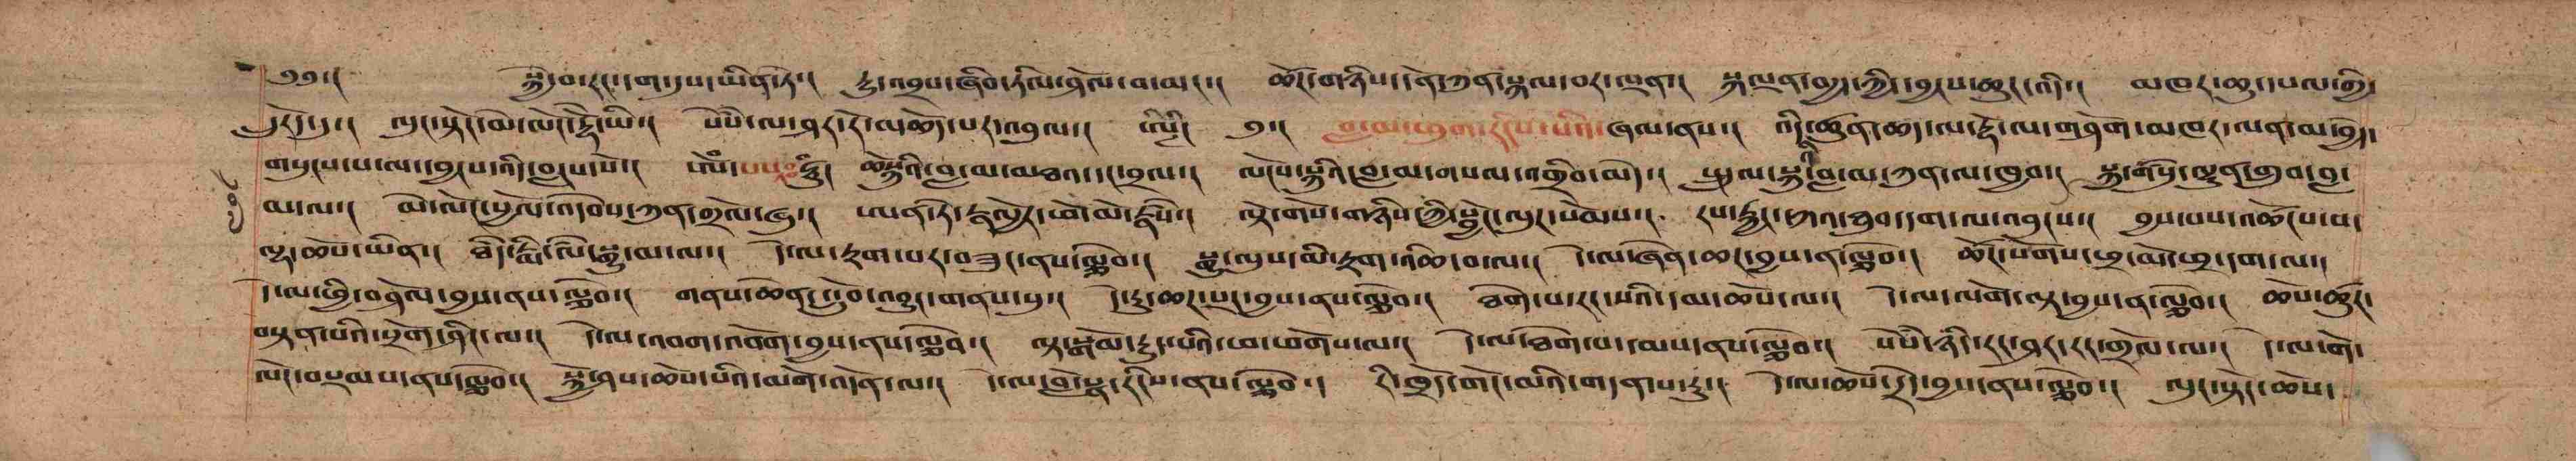སྐྱོ་བ་རང་དག་དུས་ཡིན་ཏེ།། རྒྱུ་འབྲས་ཞིབ་ཏིལ་ཤོལ་བ་མང་།། ཚོགས་གཉིས་དོན་ཀུན་སྐལ་པར་ལྡན།། སྐལ་ལྡན་བརྒྱད་ཀྱི་དབྱངས་ཆུང་འདི།། མཁར་ཆུ་དཔལ་གྱི་
དུར་ཁྲོད་དུ།། ལུང་སྟོང་མེ་རྡོ་རྗེ་ཡི།། སེམས་ལ་ཤར་རོ་མཆོད་པར་འབུལ།། ཨིཊི།། ༄་། བླ་མ་ཕུག་རིངས་པའི་ཞལ་ནས།། འདི་ཚུན་ཆད་ལ་རྡོ་ལ་གཤོག་མཁར་ལན་མ་བྱེད་
གསུངས་པ་ལ་དབྱངས་འདི་བླངས་སོ།། ཨོཾ་ཨཱཿཧཱུཾ། ཆོས་སྐུའི་བླ་མ་མཐའ་དང་བྲལ།། ལོངས་སྐུའི་བླ་མ་གསལ་འགྲིབ་མེད།། སྤྲུལ་སྐུའི་བླ་མ་ཀུན་ལ་ཁྱབ།། སྐུ་གསུམ་ལྷུན་གྲུབ་བླ་
མ་ལ།། མེ་ལོང་གསོལ་འདེབས་ཀུན་གྲོལ་ཞུ།། ཨན་ཏེ་རྣལ་འབྱོར་ཕོ་མོ་རྣམས།། ལྟོ་གོས་གཉིས་ཀྱི་སྦྱོང་ལུགས་སེམས།། རས་རྐྱང་དཀའ་ཐུབ་དག་ལ་འབུངས།། བྱས་པས་འཚོངས་པ་
ལྷ་ཆོས་ཡིན།། ཐམས་ཅད་རྨི་ལམ་སྒྱུ་མ་ལ།། དེ་ལ་རྟག་པར་བཟུང་ནས་ལྕེབ།། སྒྱུ་ལུས་མི་རྟག་འཆི་བ་ལ།། དེ་ལ་ཞེན་ཆགས་བྱས་ན་ལྕེབ།། ཚོགས་གསོག་ཕྲ་མོ་ཕྲ་དག་ལ།། 
དེ་ལ་ཕྱི་བཤོལ་བྱས་ན་ལྕིབ།། གནས་ཆེན་དངོས་གྲུབ་འབྱུང་གནས་སུ།། དེ་རུ་ཆགས་སྡང་བྱས་ནས་ལྕེབ།། ཐེག་པ་རང་སའི་དམ་ཆོས་ལ།། དེ་ལ་ལོག་ལྟ་བྱས་ན་ལྕེབ།། ཆོས་ཚུགས་
བསྟན་པའི་སྲོག་ཤིང་ལ།། དེ་ལ་འབག་འབོག་བྱས་ནས་ལྕེབ།། ལྟ་སྒོམ་རྒྱུད་པའི་ཕ་ཕོག་ལ།། དེ་ལ་ཐེག་པ་དམས་ནས་ལྕེབ།། སེམས་ཉིད་རང་ཤར་རང་གྲོལ་ལ།། དེ་ལ་ཀོ་
ལོང་བསྡམ་ན་ལྕེབ།། སྐྱོ་ཤས་ཆོས་པའི་མགོ་འདོན་ལ།། དེ་ལ་བློ་སྣ་རིངས་ནས་ལྕེབ།། རི་ཁྲོད་གོང་མའི་གདན་ས་རུ།། དེ་ལ་ཆོས་དྲེད་བྱས་ནས་ལྕེབ།། ལུང་སྟོང་ཆོས་